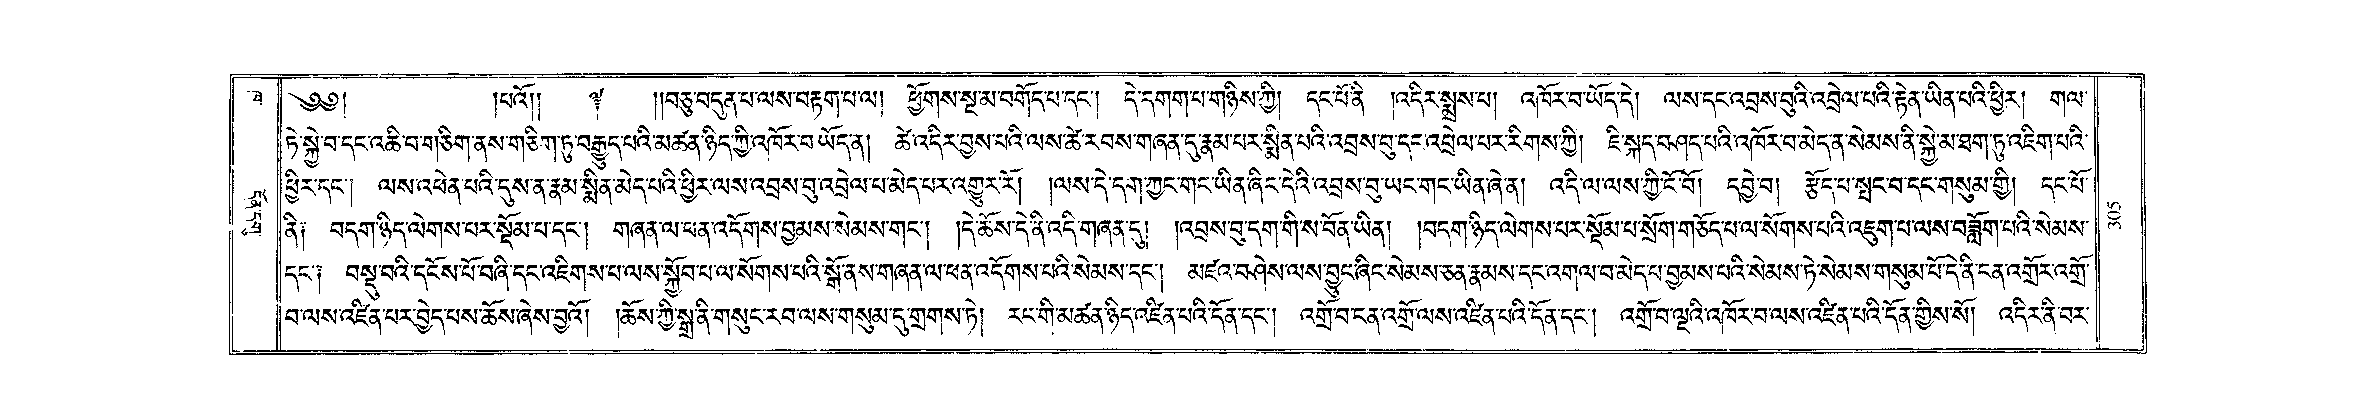༄༅། །པའོ།། ༈ །།བཅུ་བདུན་པ་ལས་བརྟག་པ་ལ། ཕྱོགས་སྔ་མ་བགོད་པ་དང་། དེ་དགག་པ་གཉིས་ཀྱི། དང་པོ་ནི། འདིར་སྨྲས་པ། འཁོར་བ་ཡོད་དེ། ལས་དང་འབྲས་བུའི་འབྲེལ་པའི་རྟེན་ཡིན་པའི་ཕྱིར། གལ་
ཏེ་སྐྱེ་བ་དང་འཆི་བ་གཅིག་ནས་གཅིག་ཏུ་བརྒྱུད་པའི་མཚན་ཉིད་ཀྱི་འཁོར་བ་ཡོད་ན། ཚེ་འདིར་བྱས་པའི་ལས་ཚེ་རབས་གཞན་དུ་རྣམ་པར་སྨིན་པའི་འབྲས་བུ་དང་འབྲེལ་པར་རིགས་ཀྱི། ཇི་སྐད་བཤད་པའི་འཁོར་བ་མེད་ན་སེམས་ནི་སྐྱེ་མ་ཐག་ཏུ་འཇིག་པའི་
ཕྱིར་དང་། ལས་འཕེན་པའི་དུས་ན་རྣམ་སྨིན་མེད་པའི་ཕྱིར་ལས་འབྲས་བུ་འབྲེལ་པ་མེད་པར་འགྱུར་རོ། །ལས་དེ་དག་ཀྱང་གང་ཡིན་ཞིང་དེའི་འབྲས་བུ་ཡང་གང་ཡིན་ཞེ་ན། འདི་ལ་ལས་ཀྱི་ངོ་བོ། དབྱེ་བ། རྩོད་པ་སྤང་བ་དང་གསུམ་གྱི། དང་པོ་
ནི༑ བདག་ཉིད་ལེགས་པར་སྡོམ་པ་དང་། གཞན་ལ་ཕན་འདོགས་བྱམས་སེམས་གང་། །དེ་ཆོས་དེ་ནི་འདི་གཞན་དུ། །འབྲས་བུ་དག་གི་ས་བོན་ཡིན། །བདག་ཉིད་ལེགས་པར་སྡོམ་པ་སྲོག་གཅོད་པ་ལ་སོགས་པའི་འཇུག་པ་ལས་བཟློག་པའི་སེམས་
དང༑ བསྡུ་བའི་དངོས་པོ་བཞི་དང་འཇིགས་པ་ལས་སྐྱོབ་པ་ལ་སོགས་པའི་སྒོ་ནས་གཞན་ལ་ཕན་འདོགས་པའི་སེམས་དང་། མཛའ་བཤེས་ལས་བྱུང་ཞིང་སེམས་ཅན་རྣམས་དང་འགལ་བ་མེད་པ་བྱམས་པའི་སེམས་ཏེ་སེམས་གསུམ་པོ་དེ་ནི་ངན་འགྲོར་འགྲོ་
བ་ལས་འཛིན་པར་བྱེད་པས་ཆོས་ཞེས་བྱའོ། །ཆོས་ཀྱི་སྒྲ་ནི་གསུང་རབ་ལས་གསུམ་དུ་གྲགས་ཏེ། རང་གི་མཚན་ཉིད་འཛིན་པའི་དོན་དང་། འགྲོ་བ་ངན་འགྲོ་ལས་འཛིན་པའི་དོན་དང་། འགྲོ་བ་ལྔའི་འཁོར་བ་ལས་འཛིན་པའི་དོན་གྱིས་སོ། འདིར་ནི་བར་